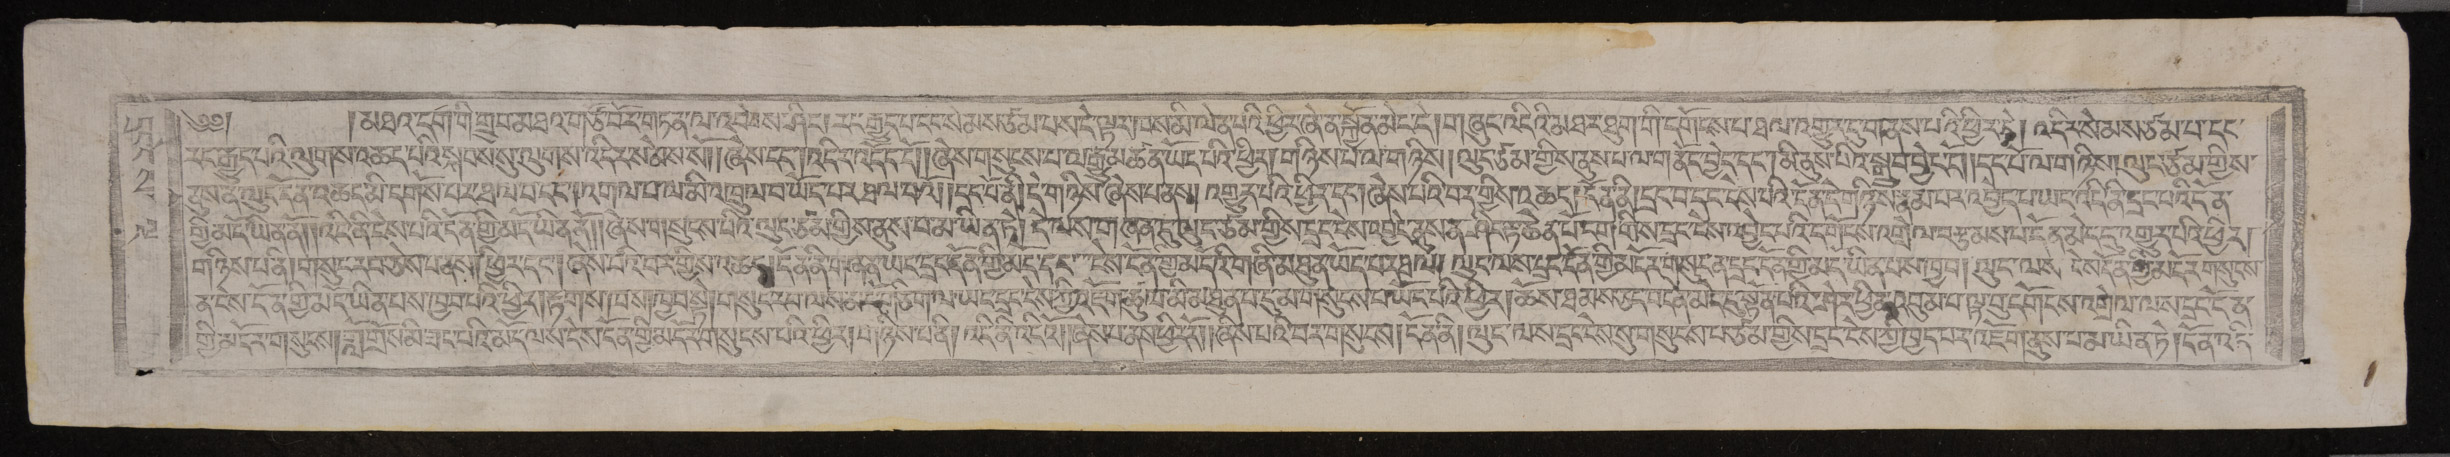༄༅། །མཐའ་དག་གི་གྲུབ་མཐའ་གཙོ་བོར་གཏན་ལ་འབེབས་ཤིང་། རང་རྒྱུད་པ་དང་སེམས་ཙམ་པས་དེ་ལྟར་ཁས་མི་ལེན་པའི་ཕྱིར་ཞེ་ན་སྐྱོན་མེད་དེ། གཞུང་འདིའི་མཐར་ཐུག་གི་དགོངས་པ་ཐལ་འགྱུར་དུ་གནས་པའི་ཕྱིར་ཏེ། འདིར་སེམས་ཙམ་པ་དང་
རང་རྒྱུད་པའི་ལུགས་འཆད་པའི་སྐབས་སུ་ལུགས་འདིར་སེམས་སོ། །ཞེས་དང་། འདིར་འདོད་དོ། །ཞེས་གསུངས་པ་ལ་རྒྱུ་མཚན་ཡོད་པའི་ཕྱིར། གཉིས་པ་ལ་གཉིས། ལུང་ཙམ་གྱིས་ནུས་པ་ལ་གནོད་བྱེད་དང་།མི་ནུས་པའི་སྒྲུབ་བྱེད་དོ། །དང་པོ་ལ་གཉིས། ལུང་ཙམ་གྱིས་
ནུས་ན་ལུང་དོན་འཆད་མི་དགོས་པར་ཐལ་བ་དང་། འགལ་པ་ལ་མི་འཁྲུལ་བ་ཡོད་པར་ཐལ་བའོ། །དང་པོ་ནི། དེ་གཉིས་ཞེས་པ་ནས། འགྱུར་པའི་ཕྱིར་དང་། ཞེས་པའི་བར་གྱིས་འཆད། དོན་ནི། དྲང་བ་དང་ངེས་པའི་དོན་དེ་གཉིས་རྣམ་པར་འབྱེད་པ་ཡང་འདི་ནི་དྲང་པའི་དོན་
གྱི་མདོ་ཡིན་ནོ། །འདི་ནི་ངེས་པའི་དོན་གྱི་མདོ་ཡིན་ནོ། །ཞེས་གསུངས་པའི་ལུང་ཙམ་གྱིས་ནུས་པ་མ་ཡིན་ཏེ། དེ་ལས་གཞན་དུ་ལུང་ཙམ་གྱིས་དྲང་ངེས་འབྱེད་ནུས་ན་ཤིང་རྟ་ཆེན་པོ་དག་གིས་དྲང་ངེས་འབྱེད་པའི་དགོངས་འགྲེལ་བརྩམས་པ་དོན་མེད་དུ་འགྱུར་པའི་ཕྱིར།
གཉིས་པ་ནི། གསུང་རབ་ཅེས་པ་ནས། ཕྱིར་དང་། ཞེས་པའི་བར་གྱིས་འཆད། དོན་ནི་གཞན་ཡང་དྲང་དོན་ཀྱི་མདོ་དང་ངེས་དོན་གྱི་མདོའི་གཞི་མཐུན་ཡོད་པར་ཐལ། ལུང་ལས་དྲང་དོན་གྱི་མདོར་གསུང་ན་དྲང་དོན་གྱི་མདོ་ཡིན་པས་ཁྱབ། ལུང་ལས་ངེས་དོན་གྱི་མདོར་གསུངས་
ན་ངེས་དོན་གྱི་མདོ་ཡིན་པས་ཁྱབ་པའི་ཕྱིར། རྟགས་ཁས། ཁྱབ་སྟེ། གསུང་རབ་ལས་མདོ་གཅིག་ལ་ཡང་དྲང་ངེས་ཀྱི་འཇོག་ཚུལ་མི་མཐུན་པ་དུ་མ་གསུངས་པ་ཡོད་པའི་ཕྱིར། ཆོས་ཐམས་ཅད་བདེན་མེད་དུ་སྟོན་པའི་ཤེར་ཕྱིན་འབུམ་པ་ལྟ་བུ་དགོངས་འབྲེལ་ལས་དྲང་དོན་
གྱི་མདོར་གསུངས། བློ་གྲོས་མི་ཟད་པའི་མདོ་ལས་ངེས་སོན་གྱི་མདོར་གསུངས་པའི་ཕྱིར། གཉིས་པ་ནི། འདི་ནི་འདིའོ། །ཞེས་པ་ནས་ཕྱིར་རོ། །ཞེས་པའི་བར་གསུངས། དོན་ནི། ལུང་ལས་དྲང་ངེས་སུ་གསུངས་པ་ཙམ་གྱིས་དྲང་ངེས་ཀྱི་ཁྱད་པར་འཇོག་ནུས་པ་མ་ཡིན་ཏེ། དོན་འདི་